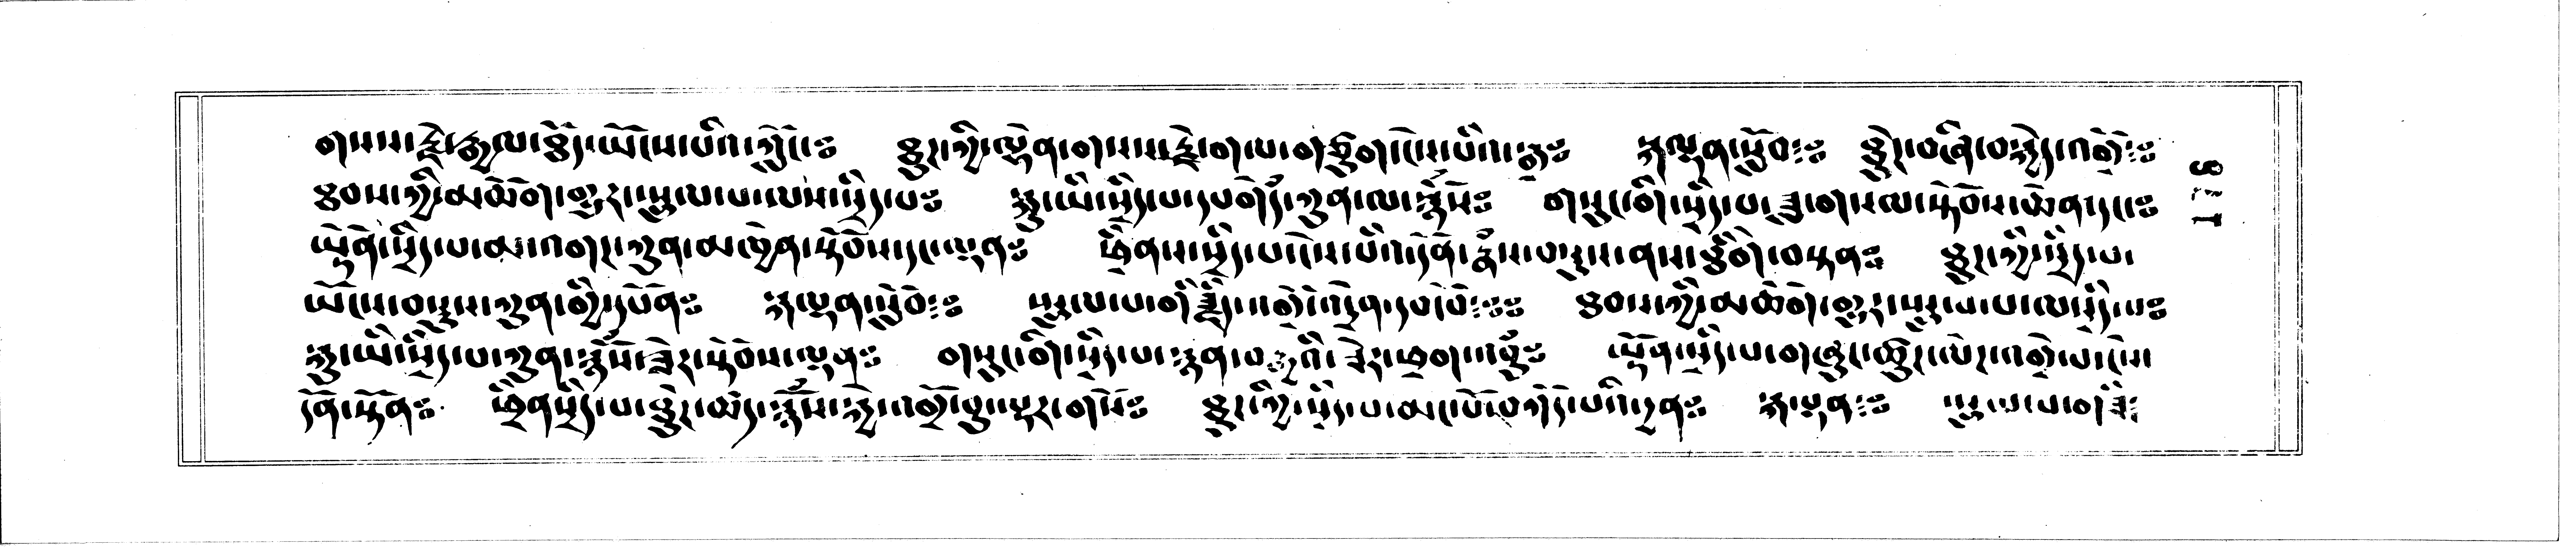གསས་རྗེ་རྒྱལ་ཐོད་ཡངས་པའི་ཀློངཿ ཐུགས་ཀྱི་ལྷ་ཆེན་གསས་རྗེ་གལ་གཙུག་ངེས་པའི་སྒྲསཿ སྐལ་ལྡན་སློབ་མ་རྣམས་ལ་དབང་བསྐུར་བསཿ ཐུགས་རྗེ་བཞི་བསྐྱེད་འགྲོ་འདྲེན་དབང་ཐོབ་ཤོགཿ 
ཐབས་ཀྱི་མཆོག་གྱུར་སྤྲུལ་པ་ལས་སྲིད་པཿ སྐུ་ཡི་སྲིད་པ་དཔག་མེད་ཀུན་ལ་སྙོམསཿ གསུང་གི་སྲིད་པ་ཟླ་གསལ་སྟོབས་ཆེནཿ 
ཡོན་ཏན་གྱི་སྲིད་པ་མ་འགག་ཀུན་མཁྱེན་སྟོབས་ལྡནཿ ཕྲིན་ལས་ཀྱི་སྲིད་པ་ངེས་པའི་དོན་རྣམས་སྡུད་ནས་ཐིག་ལེ་སྟོནཿ ཐུགས་ཀྱི་སྲིད་པ་ཡོངས་བསྡུས་ཀུན་གྱི་དཔོནཿ
 སྐལ་ལྡན་སློབ་མ་རྣམས་ལ་དབང་བསྐུར་བསཿ སྤྲུལ་པ་གཟི་བརྗིད་འགྲོ་འདྲེན་དབང་ཐོབ་ཤོགཿཐབས་ཀྱི་མཆོག་གྱུར་སྤྲུལ་པ་ལས་སྲིད་པཿ 
སྐུ་ཡི་སྲིད་པ་ཀུན་སྙོམས་ཟེར་སྟོབས་ལྡནཿ གསུང་གི་སྲིད་པ་སྙན་བརྒྱའི་ཟེར་ཕྲག་འབུམཿ ཡོན་ཏན་གྱི་སྲིད་པ་གཞུང་ཚུགས་ལེགས་འགྲེམ་ངེས་
དོན་སྟོནཿ ཕྲིན་ལས་སྲིད་པ་ཐུགས་རྗེ་ཚད་སྙོམས་སྐྱེ་འགྲོ་བུ་ལྟར་གསོཿ ཐུགས་ཀྱི་སྲིད་པ་མང་པོ་བཀོད་པའི་རྒྱནཿ སྐལ་ལྡན་སློབ་མ་རྣམས་ལ་དབང་བསྐུར་བསཿ སྤྲུལ་པ་གཟི་བརྗིད་འགྲོ་འདྲེན་དབང་ཐོབ་ཤོགཿ